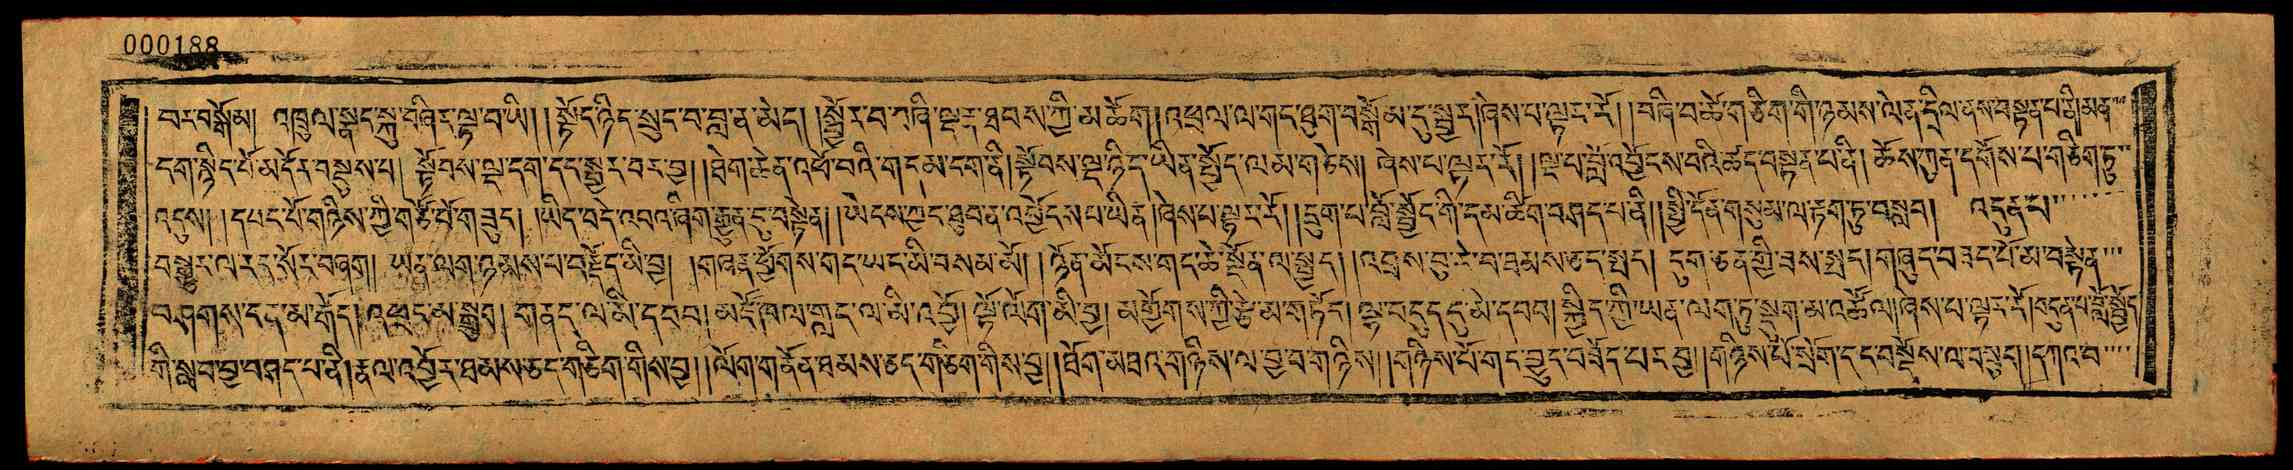བར་བསྒོམ། འཁྲུལ་སྣང་སྐུ་བཞིར་ལྟ་བ་ཡི། །སྟོང་ཉིད་སྲུང་བ་བླ་ན་མེད། །སྦྱོར་བ་བཞི་ལྡན་ཐབས་ཀྱི་མཆོག །འཕྲལ་ལ་གང་ཐུག་བསྒོམ་དུ་སྦྱར། ཞེས་པ་ལྟར་རོ། །བཞི་པ་ཚེ་གཅིག་གི་ཉམས་ལེན་དྲིལ་ནས་བསྟན་པ་ནི། མན་
ངག་སྙིང་པོ་མདོར་བསྡུས་པ། སྟོབས་ལྔ་དག་དང་སྦྱར་བར་བྱ། །ཐེག་ཆེན་འཕོ་བའི་གདམ་ངག་ནི། སྟོབས་ལྔ་ཉིད་ཡིན་སྤྱོད་ལམ་གཅེས། ཞེས་པ་ལྟར་རོ། །ལྔ་པ་བློ་འབྱོངས་བའི་ཚད་བསྟན་པ་ནི། ཆོས་ཀུན་དགོས་པ་གཅིག་ཏུ་
འདུས། །དབང་པོ་གཉིས་ཀྱི་གཙོ་བོ་གཟུང་། །ཡིད་བདེ་འབའ་ཞིག་རྒྱུན་དུ་བསྟན། །ཡེངས་ཀྱང་ཐུབ་ན་འབྱོངས་པ་ཡིན། ཞེས་པ་ལྟར་རོ། །དྲུག་པ་བློ་སྦྱོང་གི་དམ་ཚིག་བཤད་པ་ནི། །སྤྱི་དོན་གསུམ་ལ་རྟག་ཏུ་བསླབ། འདུན་པ་
བསྒྱུར་ལ་རང་སོར་བཞག །ཡན་ལག་ཉམས་པ་བརྗོད་མི་བྱ། །གཞན་ཕྱོགས་གང་ཡང་མི་བསམ་མོ། །ཉོན་མོངས་གང་ཆེ་སྔོན་ལ་སྦྱང་། །འབྲས་བུ་རེ་བ་ཐམས་ཅད་སྤང་། དུག་ཅན་གྱི་ཟས་སྤང་། གཞུང་བཟང་པོ་མ་བསྟེན།
བཤགས་ངན་མ་རྒོད། འཕྲང་མ་སྒུག །གནད་ལ་མི་དབབ། མཛོ་ཁལ་གླང་ལ་མི་འབྱོ། ལྟོ་ལོག་མི་བྱ། མགྱོགས་ཀྱི་རྩེ་མ་གཏོང་། ལྷ་བདུད་དུ་མི་དབབ། སྐྱིད་ཀྱི་ཡན་ལག་ཏུ་སྡུག་མ་འཚོལ། ཞེས་པ་ལྟར་རོ། །བདུན་པ་བློ་སྦྱོང་
གི་བསླབ་བྱ་བཤད་པ་ནི། རྣལ་འབྱོར་ཐམས་ཅད་གཅིག་གིས་བྱ། །ལོག་གནོན་ཐམས་ཅད་གཅིག་གིས་བྱ། །ཐོག་མཐའ་གཉིས་ལ་བྱ་བ་གཉིས། །གཉིས་པོ་གང་བྱུང་བཟོད་པར་བྱ། །གཉིས་པོ་སྲོག་དང་བསྡོས་ལ་བསྲུང་། །དཀའ་བ་